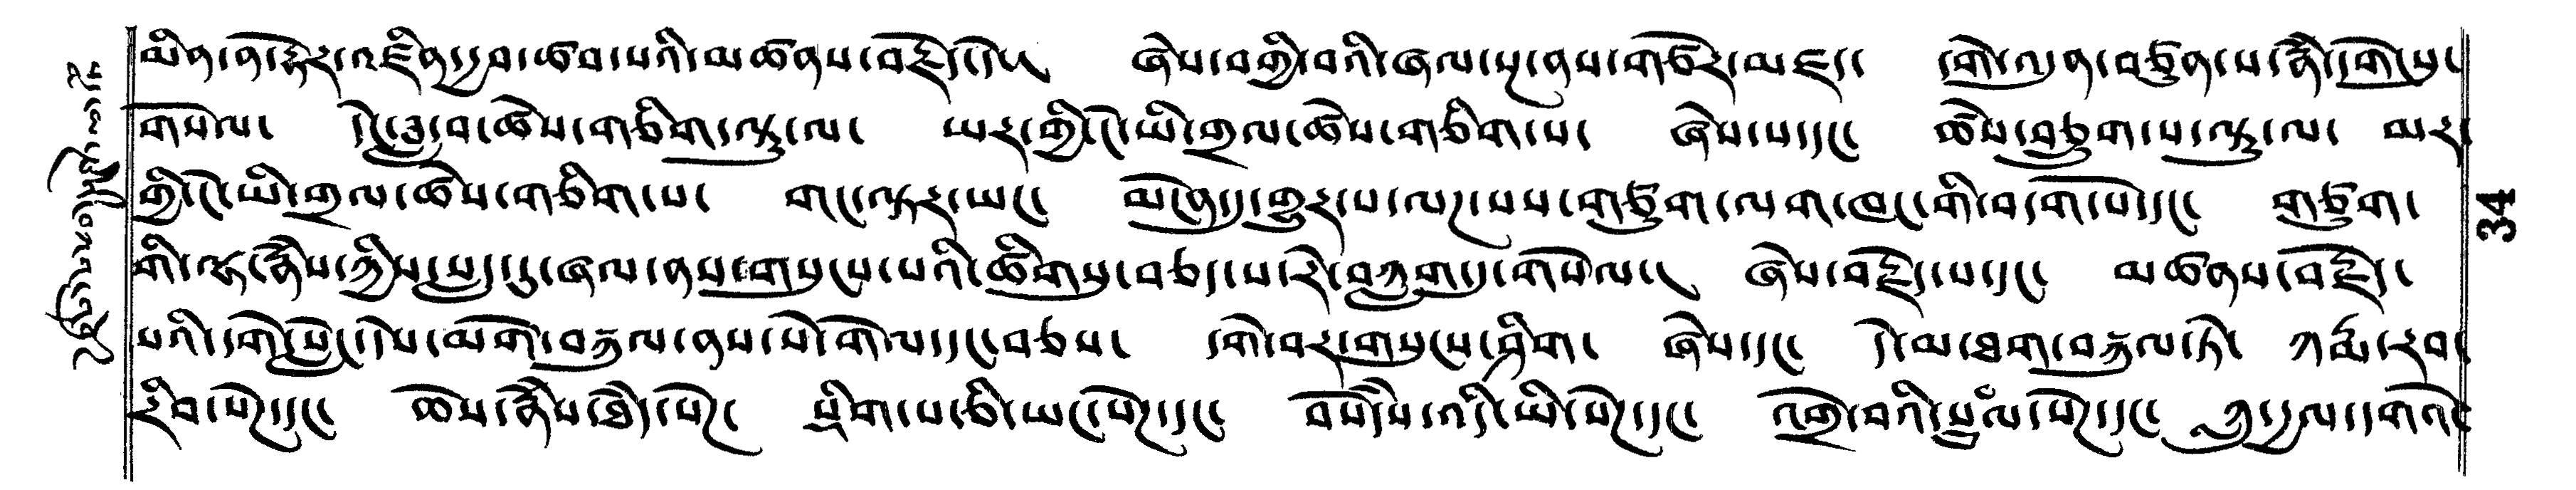མིན་ན་རྡོར་འཛིན་རྒྱལ་ཚབ་པའི་མཚན་ནས་བརྗོད་དེ། ཞེས་བགྱི་བའི་ཞལ་སྔ་ནས་གཙོར་མཛད། དགེ་འདུན་བཙུན་པ་རྣམས་དགོངས་སུ་
གསོལ། དེང་ཟླ་བ་ཚེས་གཅིག་ལྟ་བུ་ལ། ཡར་གྱི་ངོ་ཡི་གྲལ་ཚེས་གཅིག་པ་ཞེས་པ་དང་། ཚེས་བཅུ་དྲུག་པ་ལྟ་བུ་ལ། མར་
གྱི་ངོ་ཡི་གྲལ་ཚེས་གཅིག་པ་གང་ལྟར་ཡང་། མངོན་དུ་གྱུར་པ་ལགས་པས་གཅུག་ལག་ཁག་གི་བདག་པོ་དང་། གཙུག་ལག་ཁང་
གི་ལྷ་རྣམས་ཀྱི་སླད་དུ་ཞལ་ནས་གསུངས་པའི་ཚིགས་སུ་བཅད་པ་རེ་བཀླག་དུ་གསོལ། ཞེས་བརྗོད་པ་དང་། མཚན་ནས་བརྗོད་
པའི་དགེ་སློང་དེས་མགོ་བསྐུལ་ནས་སེ་གོལ་དང་བཅས། དགེ་བར་གསུངས་ཤིག ཞེས་དང་། དེ་མ་ཐག་བསྐུལ་ཏེ། སྐར་མ་རབ་
རིབ་སོགས་དང་། ཆོས་རྣམས་ཐམས་ཅད་སོགས། སྡིག་པ་ཅི་ཡང་སོགས་དང་། བསོད་ནམས་འདི་ཡི་སོགས་དང་། འགྲོ་བའི་སྡུག་བསྔལ་སོགས་དང་། ཀླུ་རྒྱལ་དགའ་བོ་